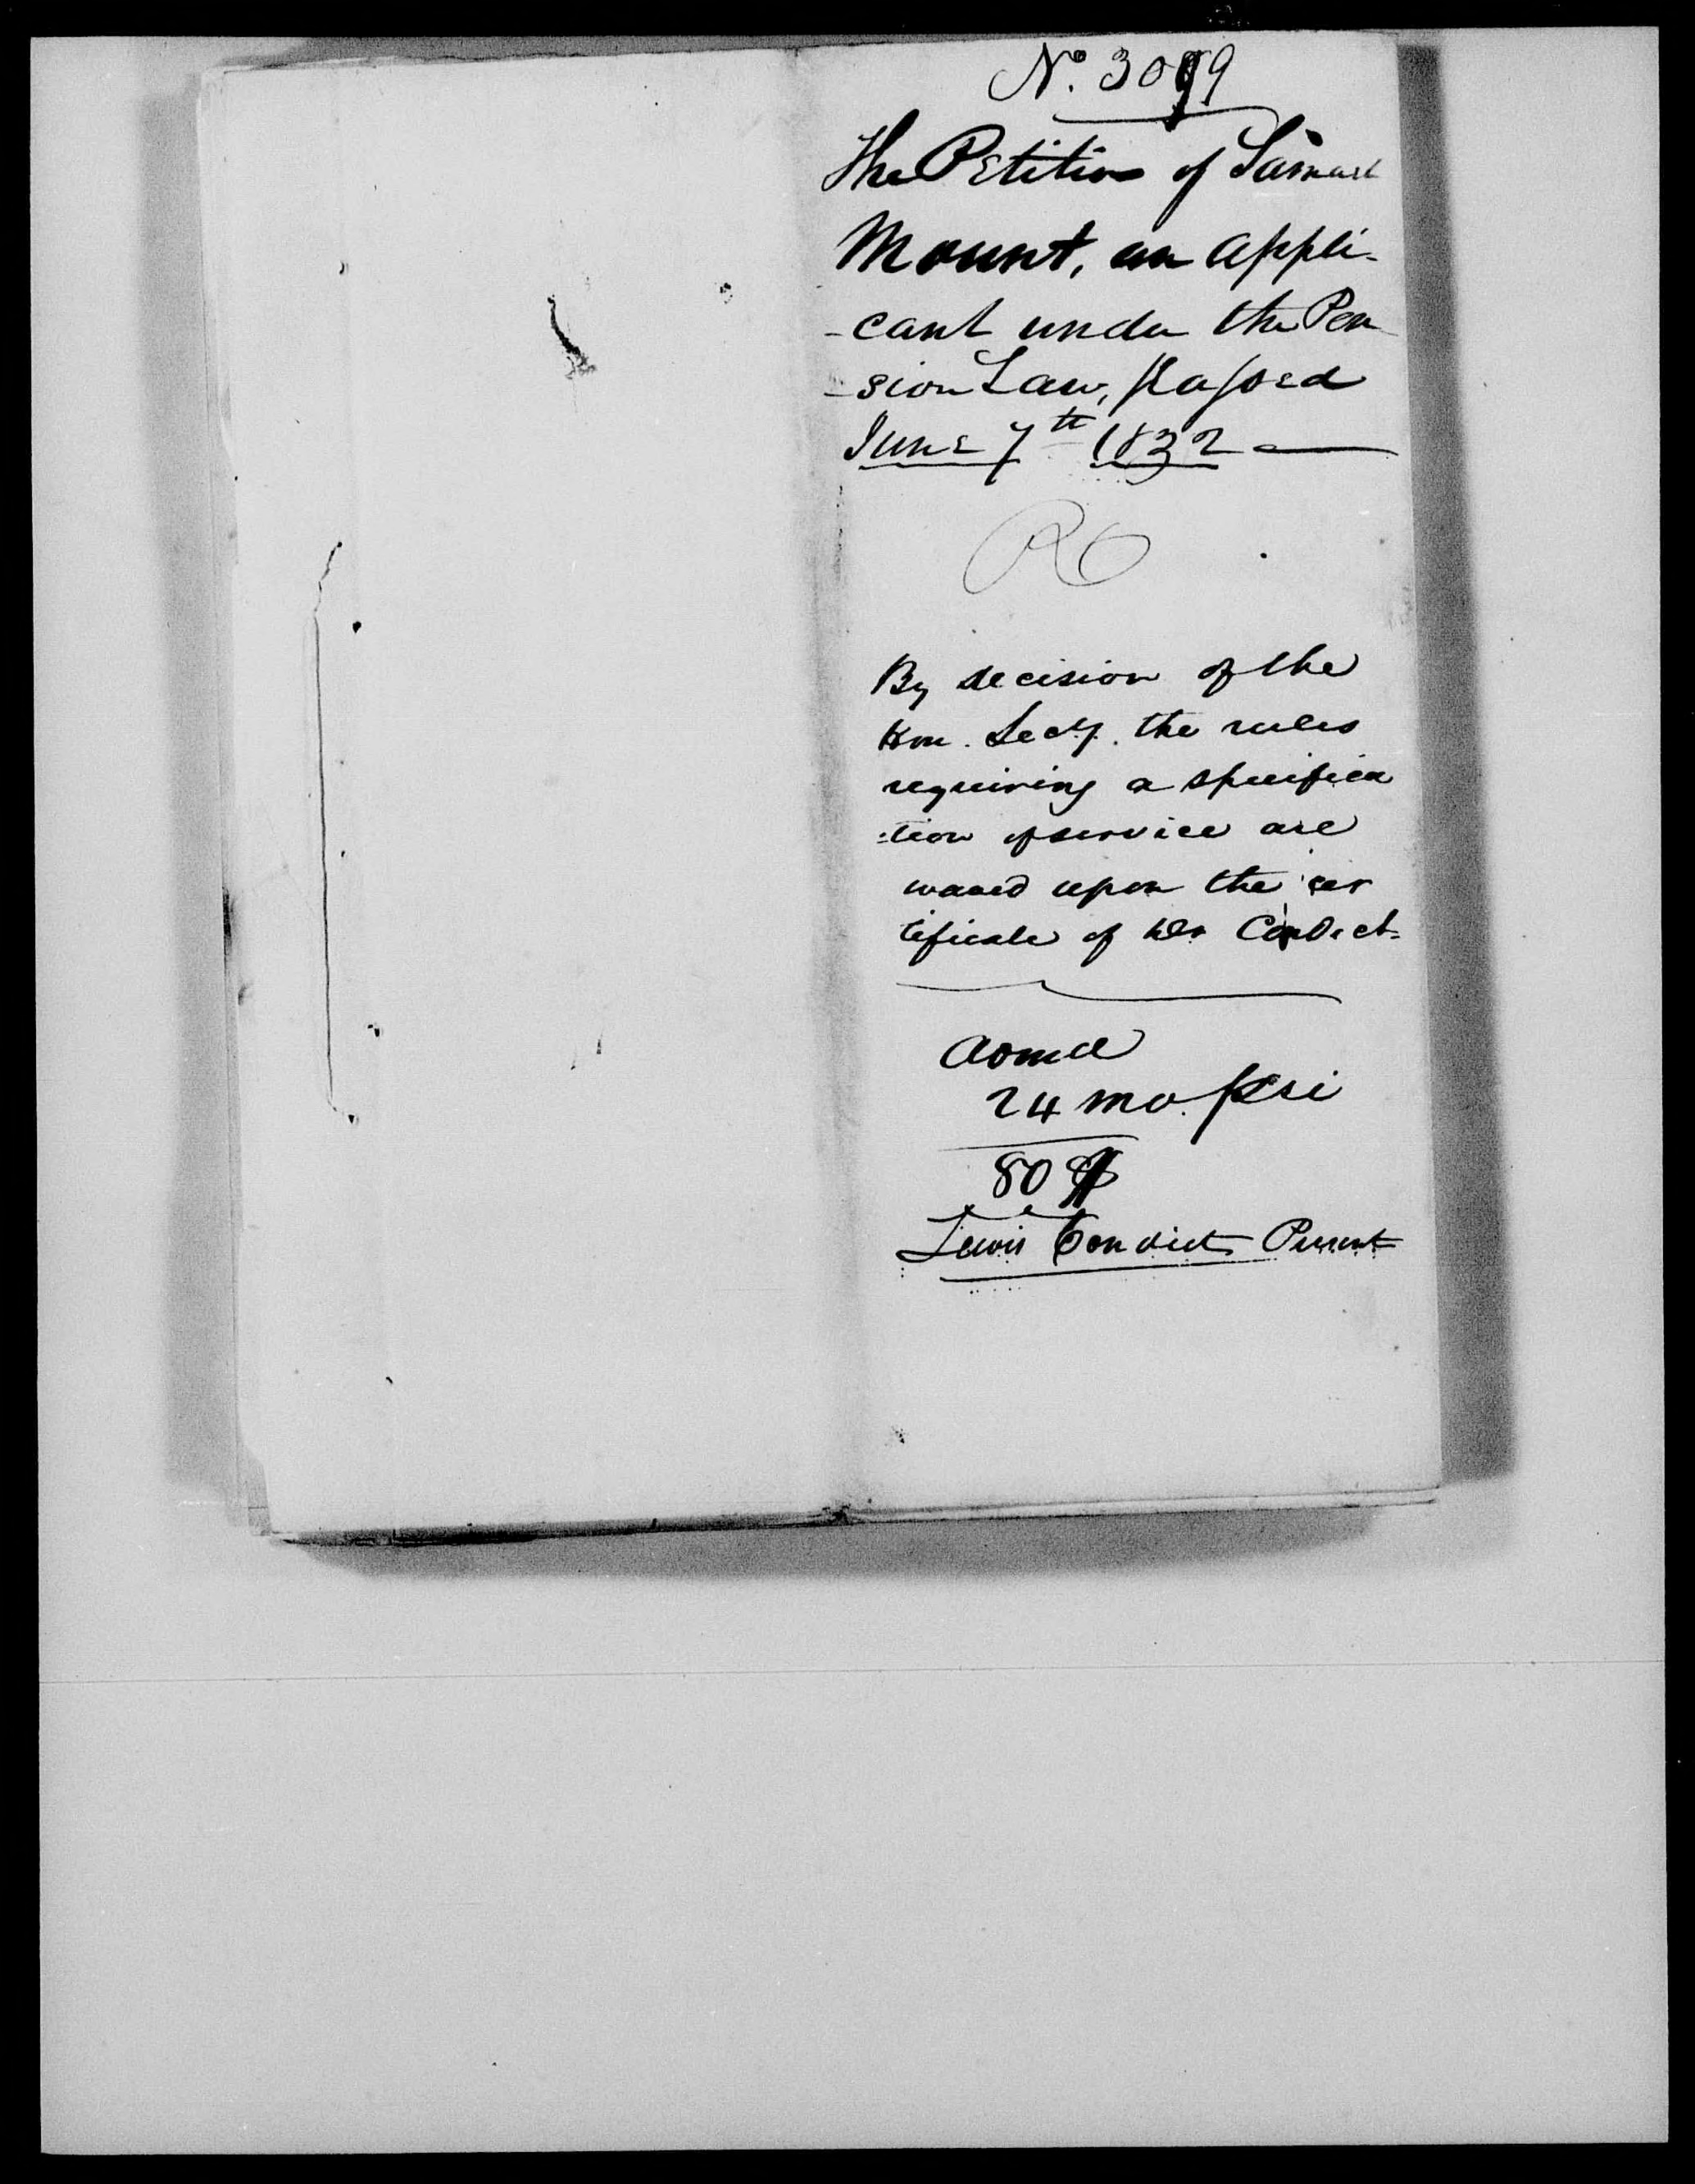N. 3099
The Petition of Samuel
Mount, an applicant under the pension Law passed June 7th1832

By decision of the Hon. Sec the rules
requiring a specification of service are
[ward] upon the certificate of Dr Condict


[       ]
24 [mopsi]
80 
Lewis Condict [Present]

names: Samuel Mount; Lewis Condict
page: 3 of 20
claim: survivor's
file: S. 2870, for Samuel Mount, New Jersey